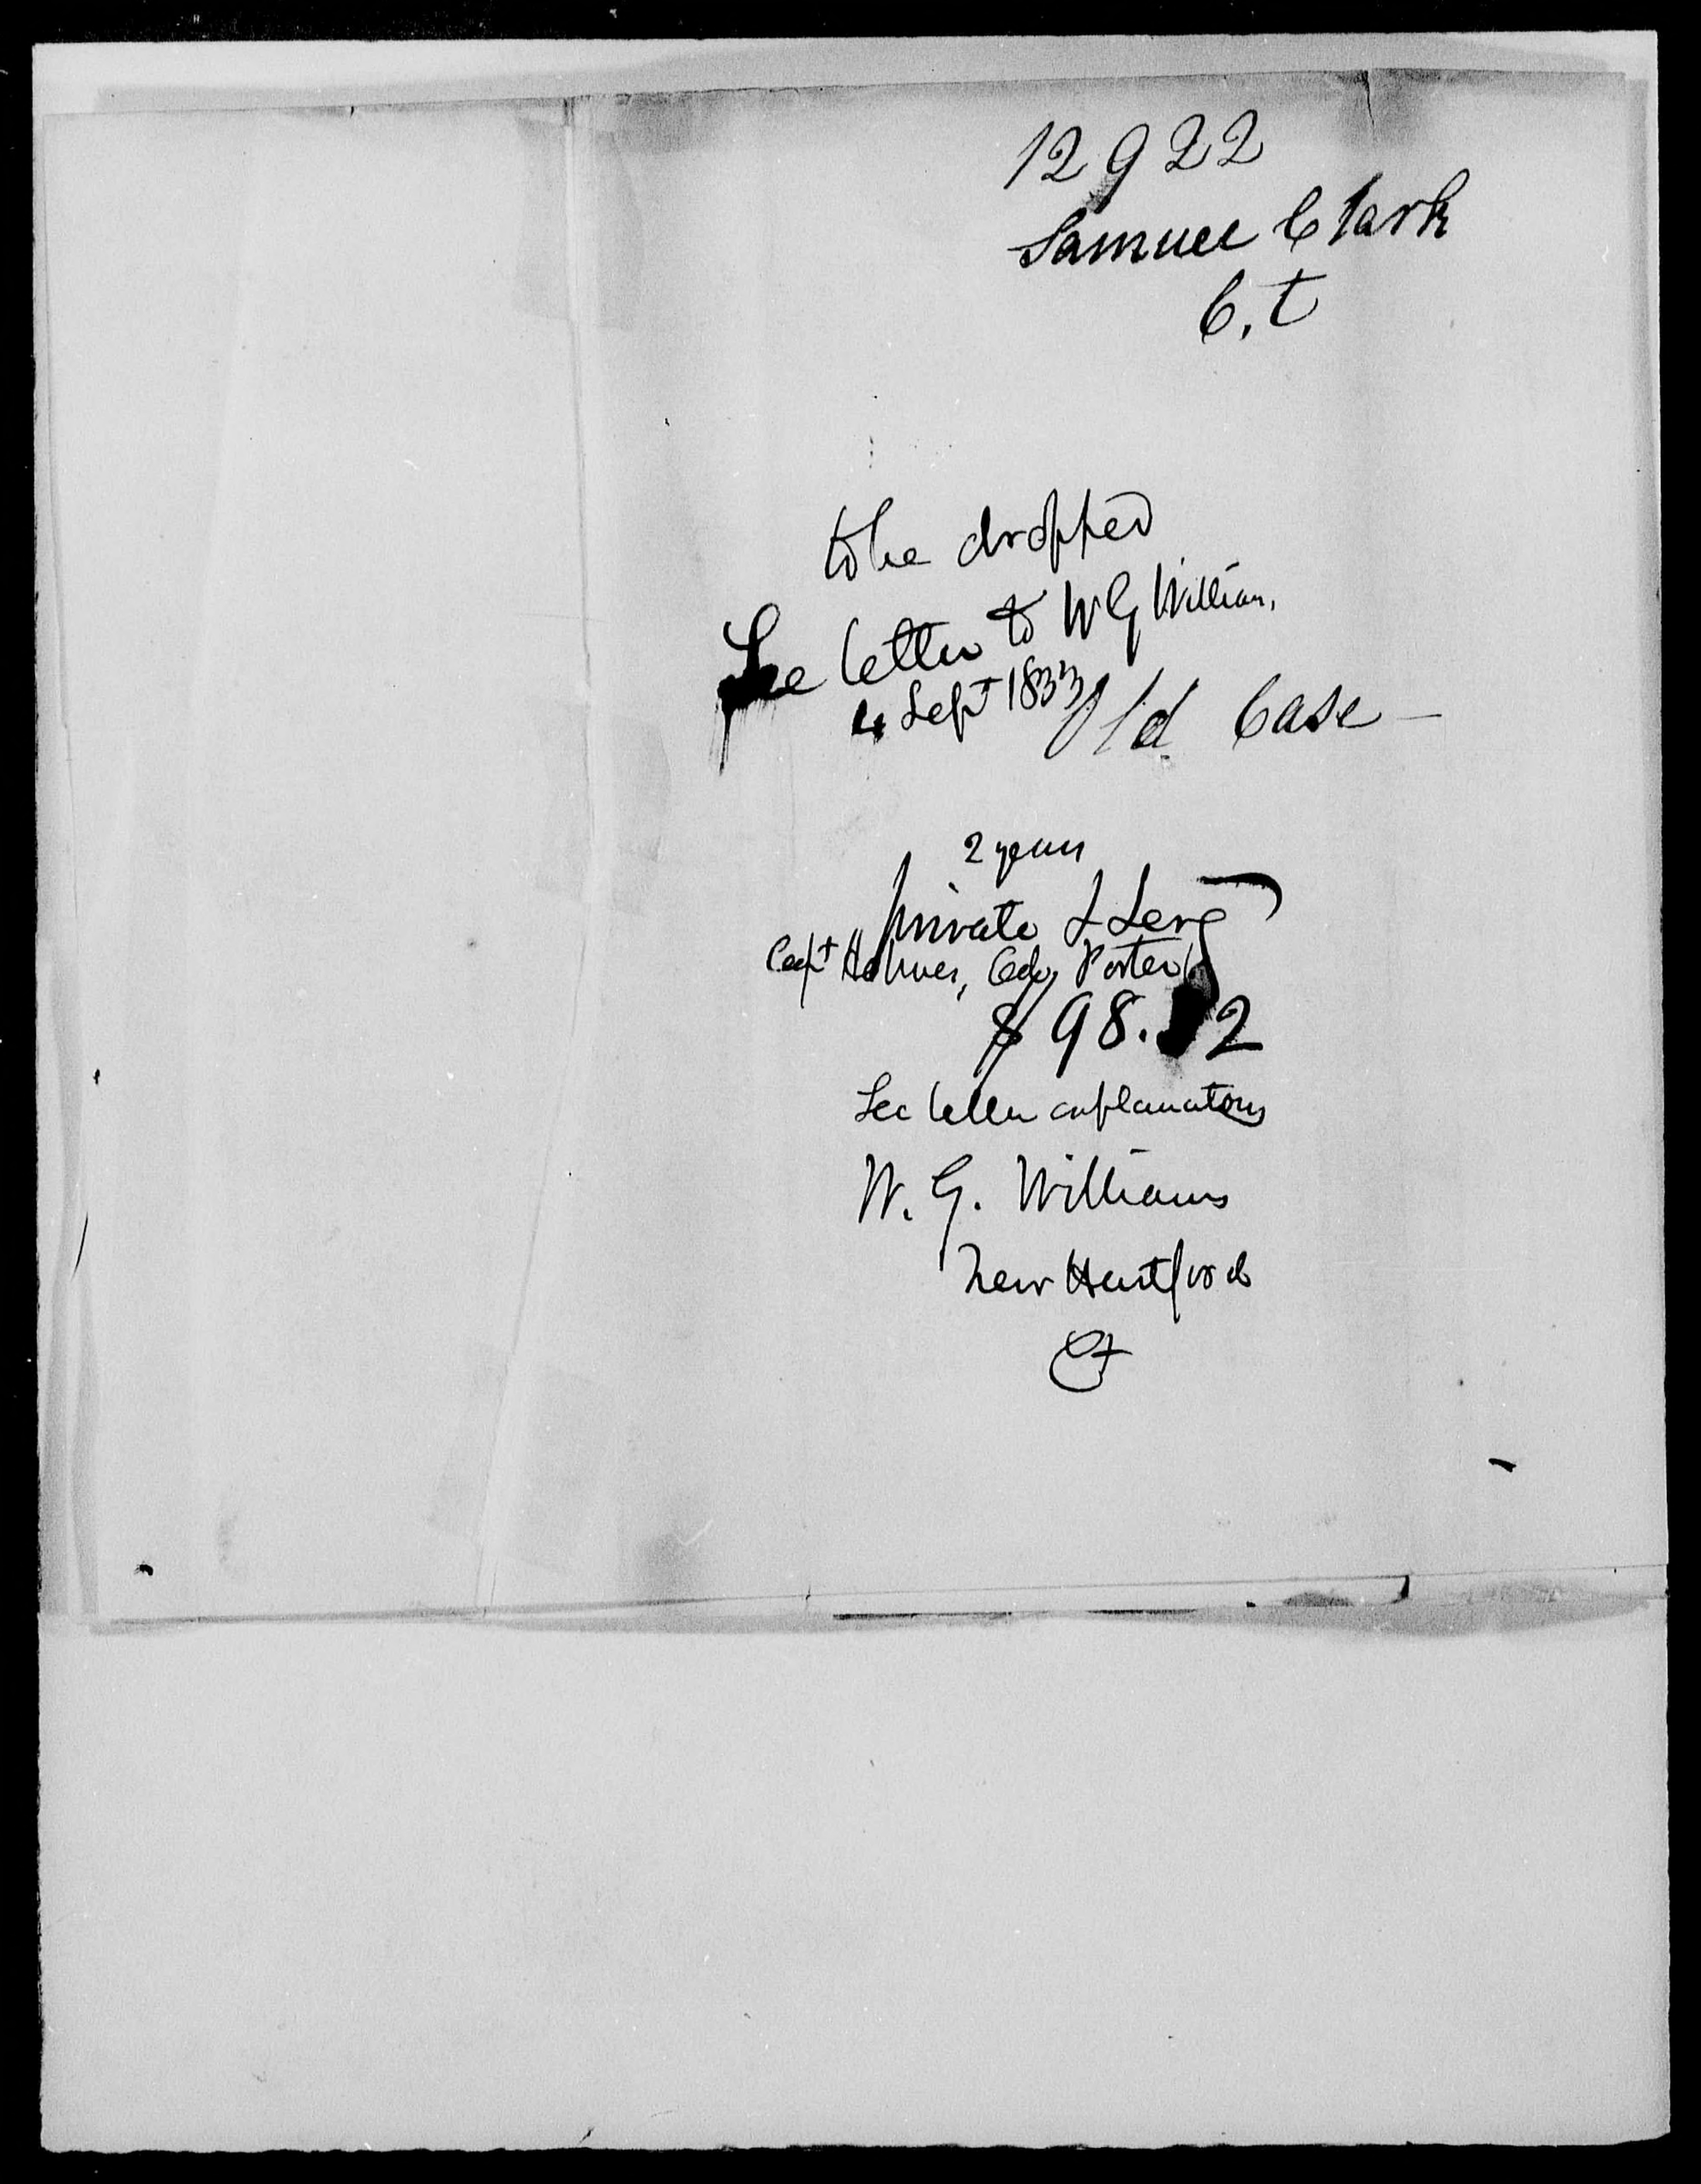12922 
Samuel Clark Ct 

to be dropped 
See letter to W G William 
4 Sept 1837 Old Case 

2 years private & Serg
Capt Holmes, Col Porter
$98.12 
See letter calculations
W. G. Williams New Hartford
Ct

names: Holmes, Samuel Clark, W G Williams, W G Williams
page: 7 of 48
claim: survivor's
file: S. 17343, Lemuel Clarke, Mass.